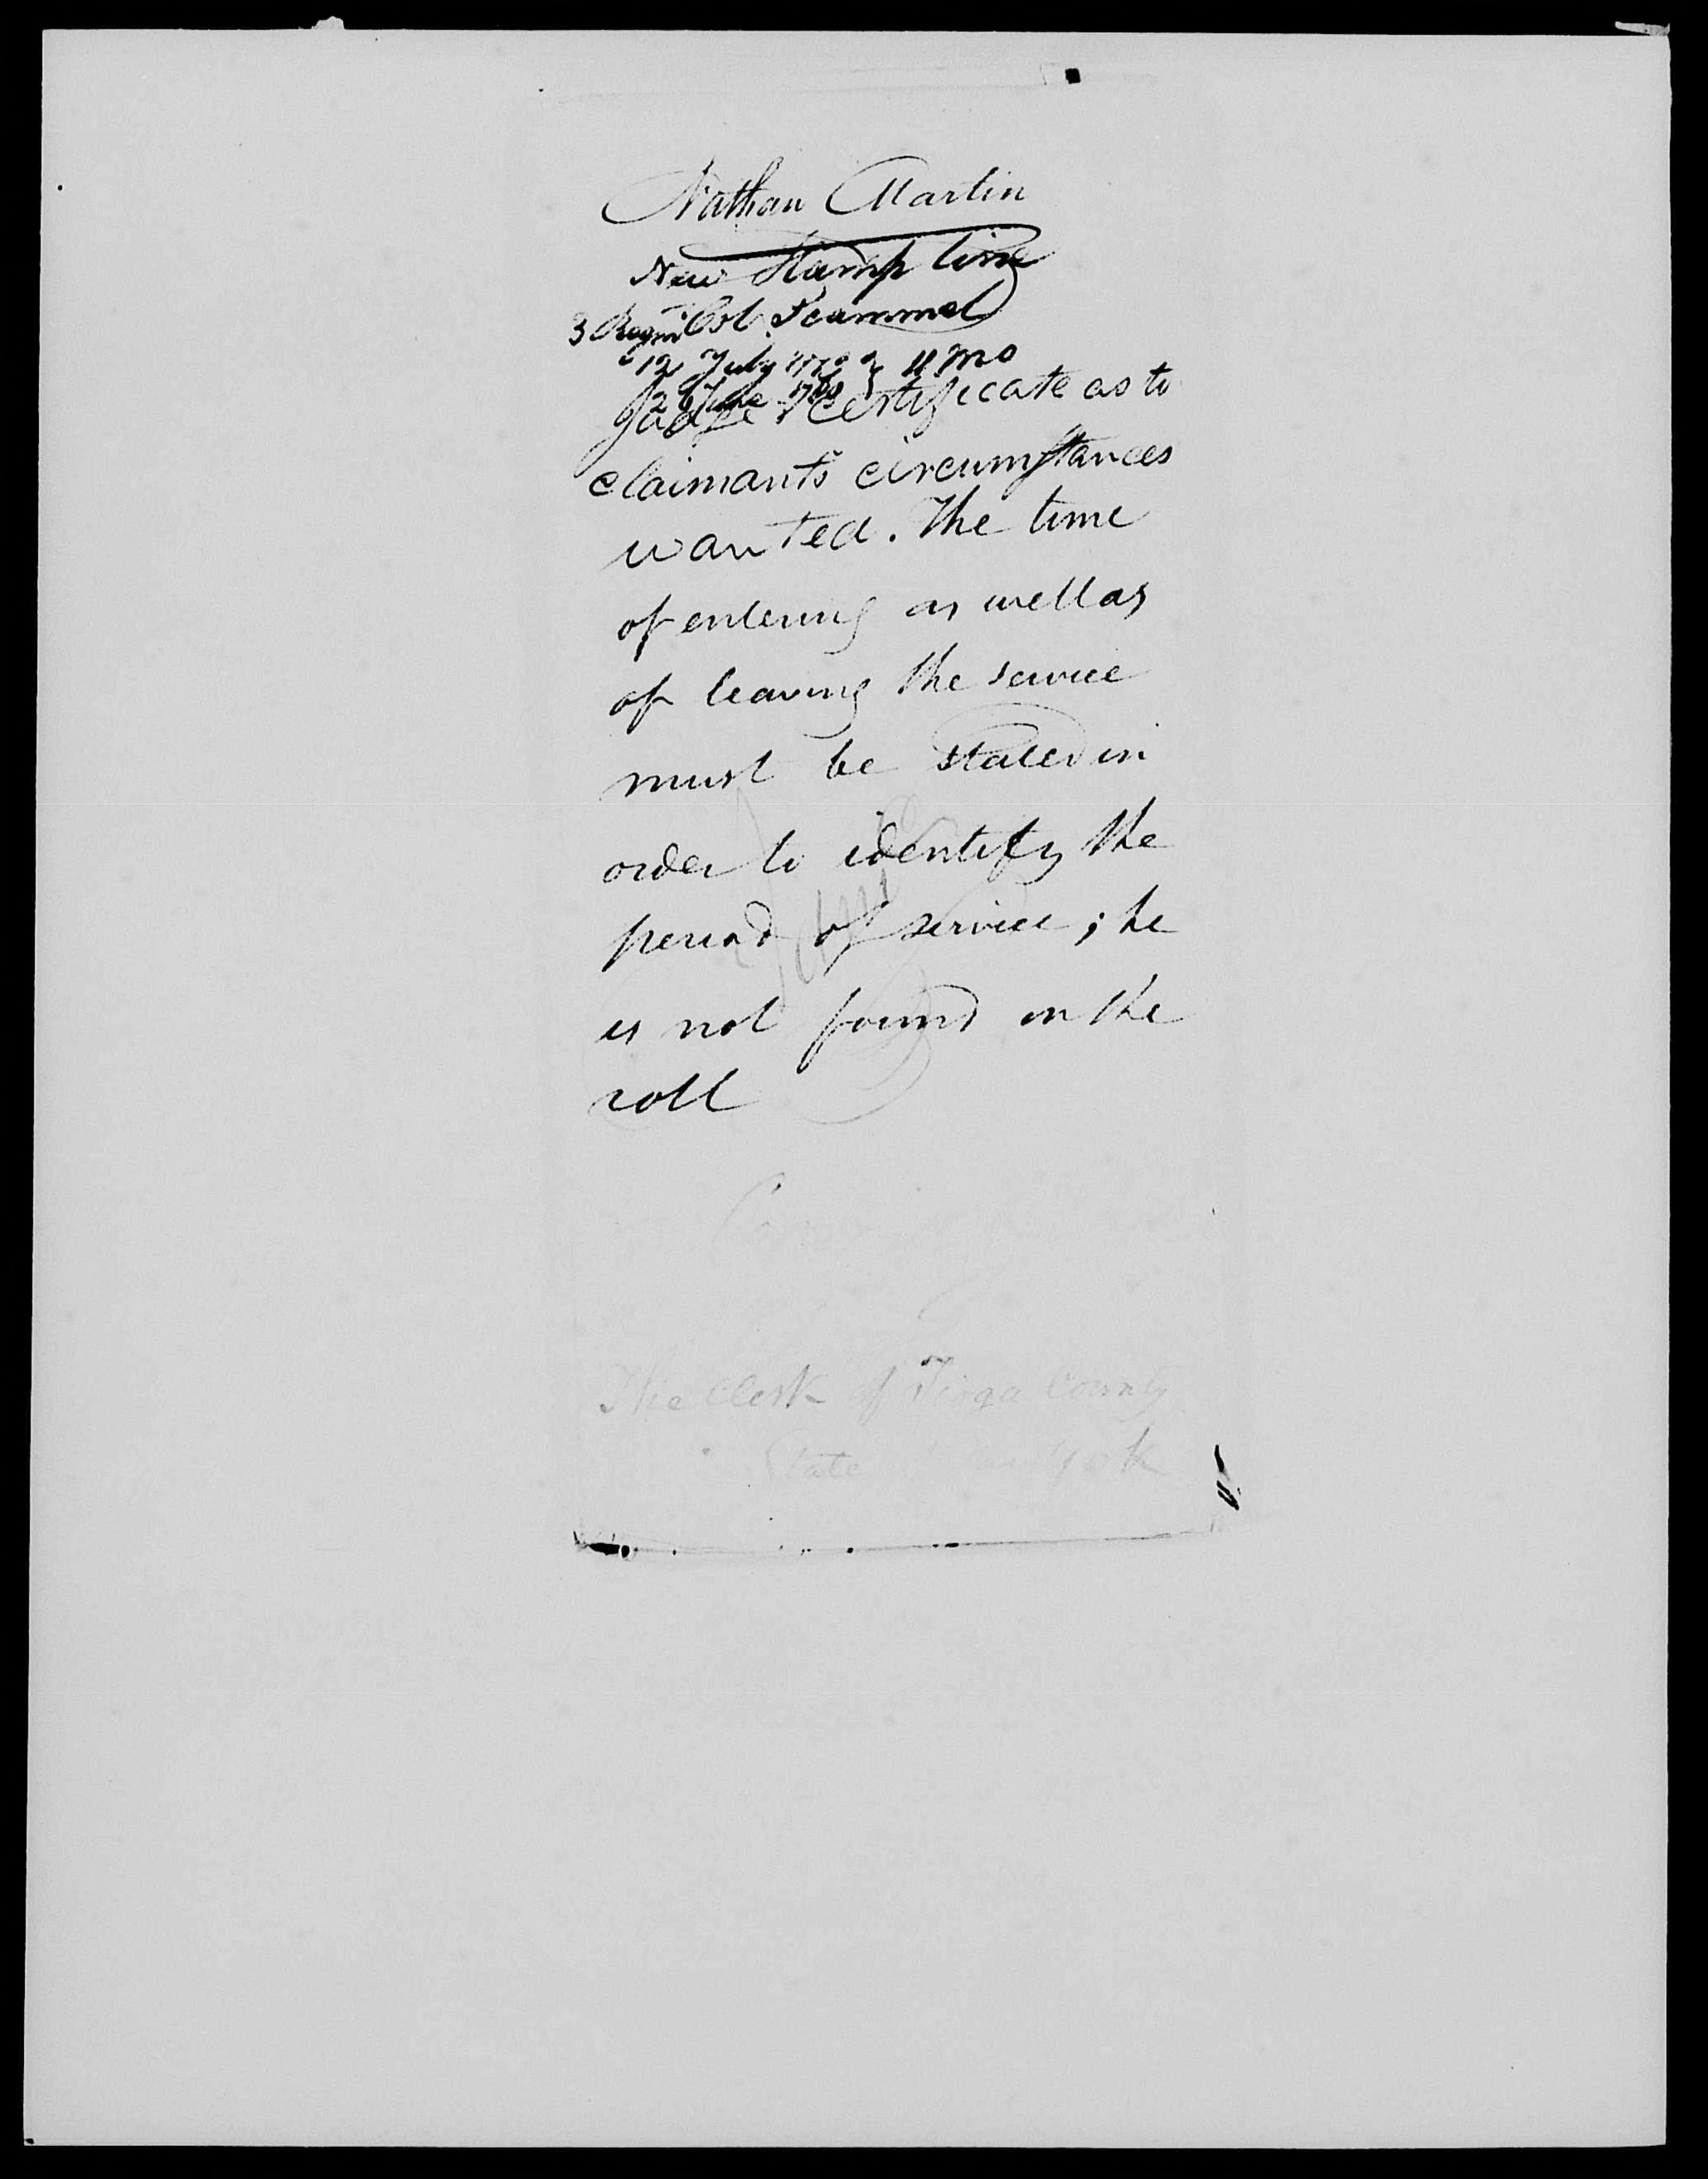Nathan Martin
New Hampshire
3 Regnt Col. Samuel
12 July 1779
26 June 1780 }11 months
Judge certificate as to
claimants circumstances
wanted. The time
of entering
as well as
of leaving the service
must be stated in
order to identify the
period of service; he
is not found on the
roll
The Clerk of Tioga County
State of New York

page: 2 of 30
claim: widow's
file: W. 23,904, for Nathan Martin, New Hampshire